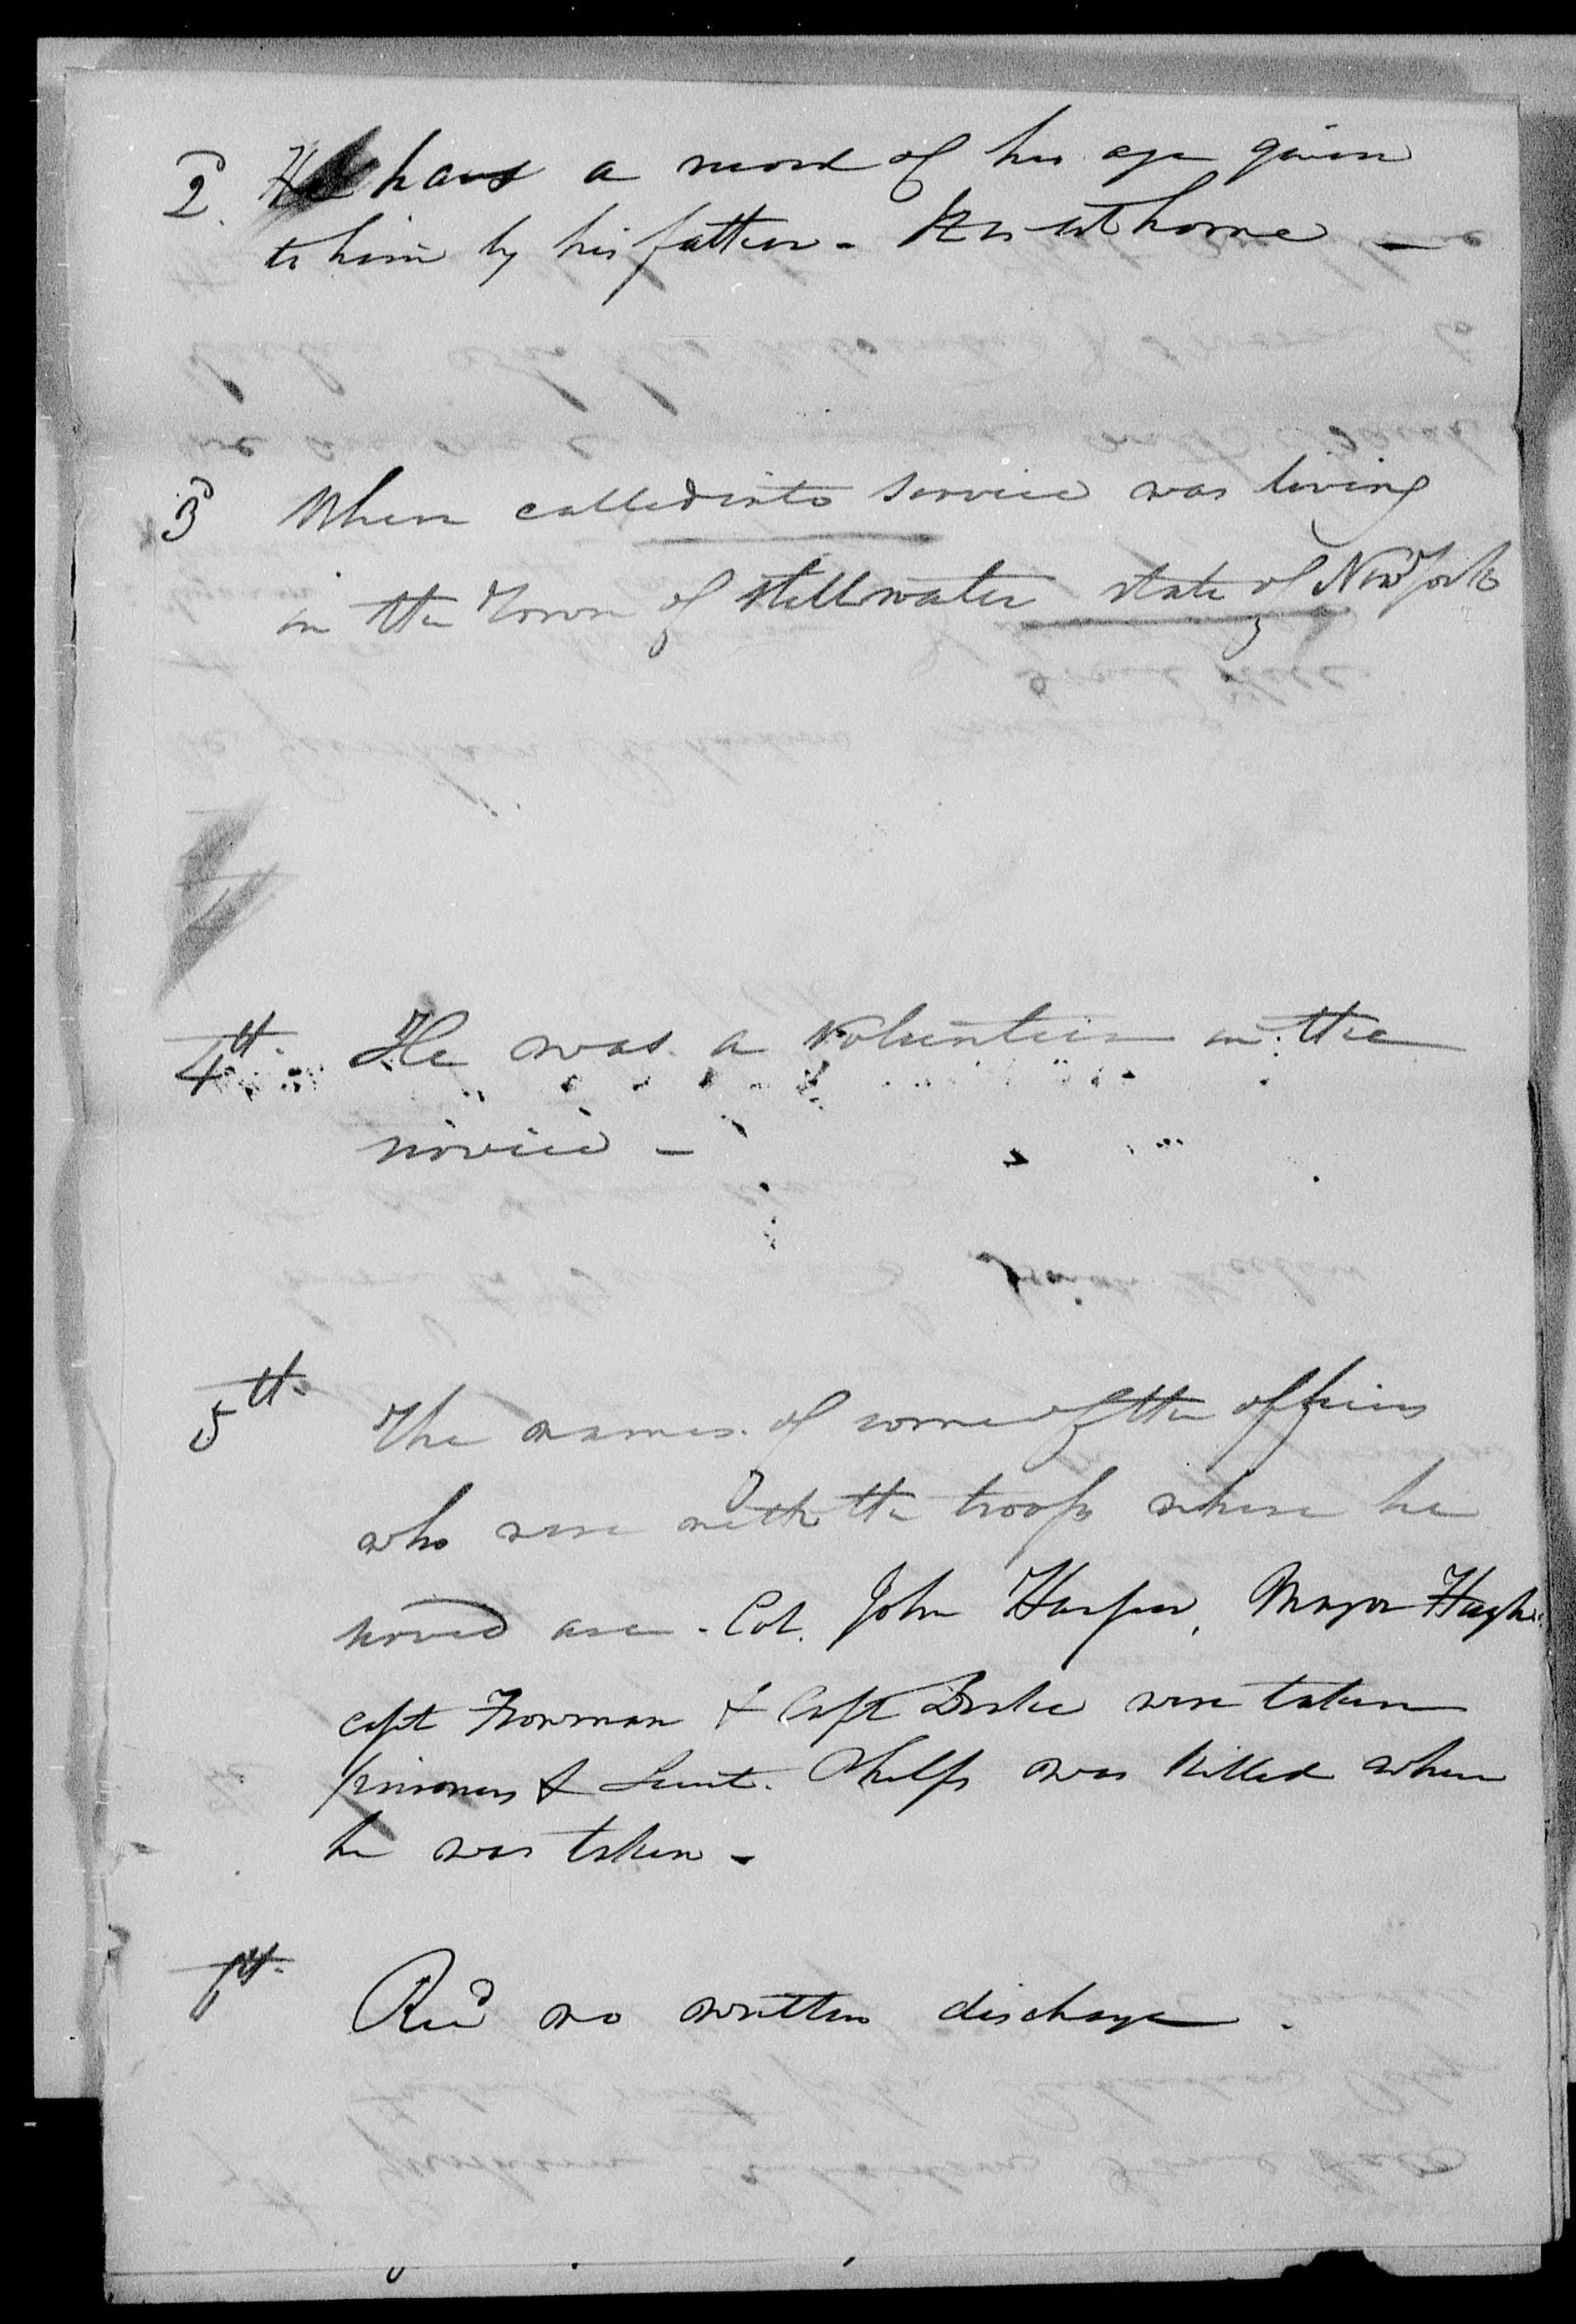2d He has a record of his age given to him by his father – [illegible] at home -
3d When called into service was living in the Town of Stillwater state of New York 
4th He was a volunteer in the service 
5th The names of some of the officers who were with the troops where he served are Col. John Harper, Major Hughes Capt Froman & Capt Drake were taken prisoners & Lieut. Phelps was killed when he was taken - 
6th Recd no written discharge.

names: [BLANK] Drake; John Harper; [BLANK] Hugh; [BLANK] Frowman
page: 11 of 26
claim: survivor's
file: S. 13,625, for Isaiah Keeler, New York